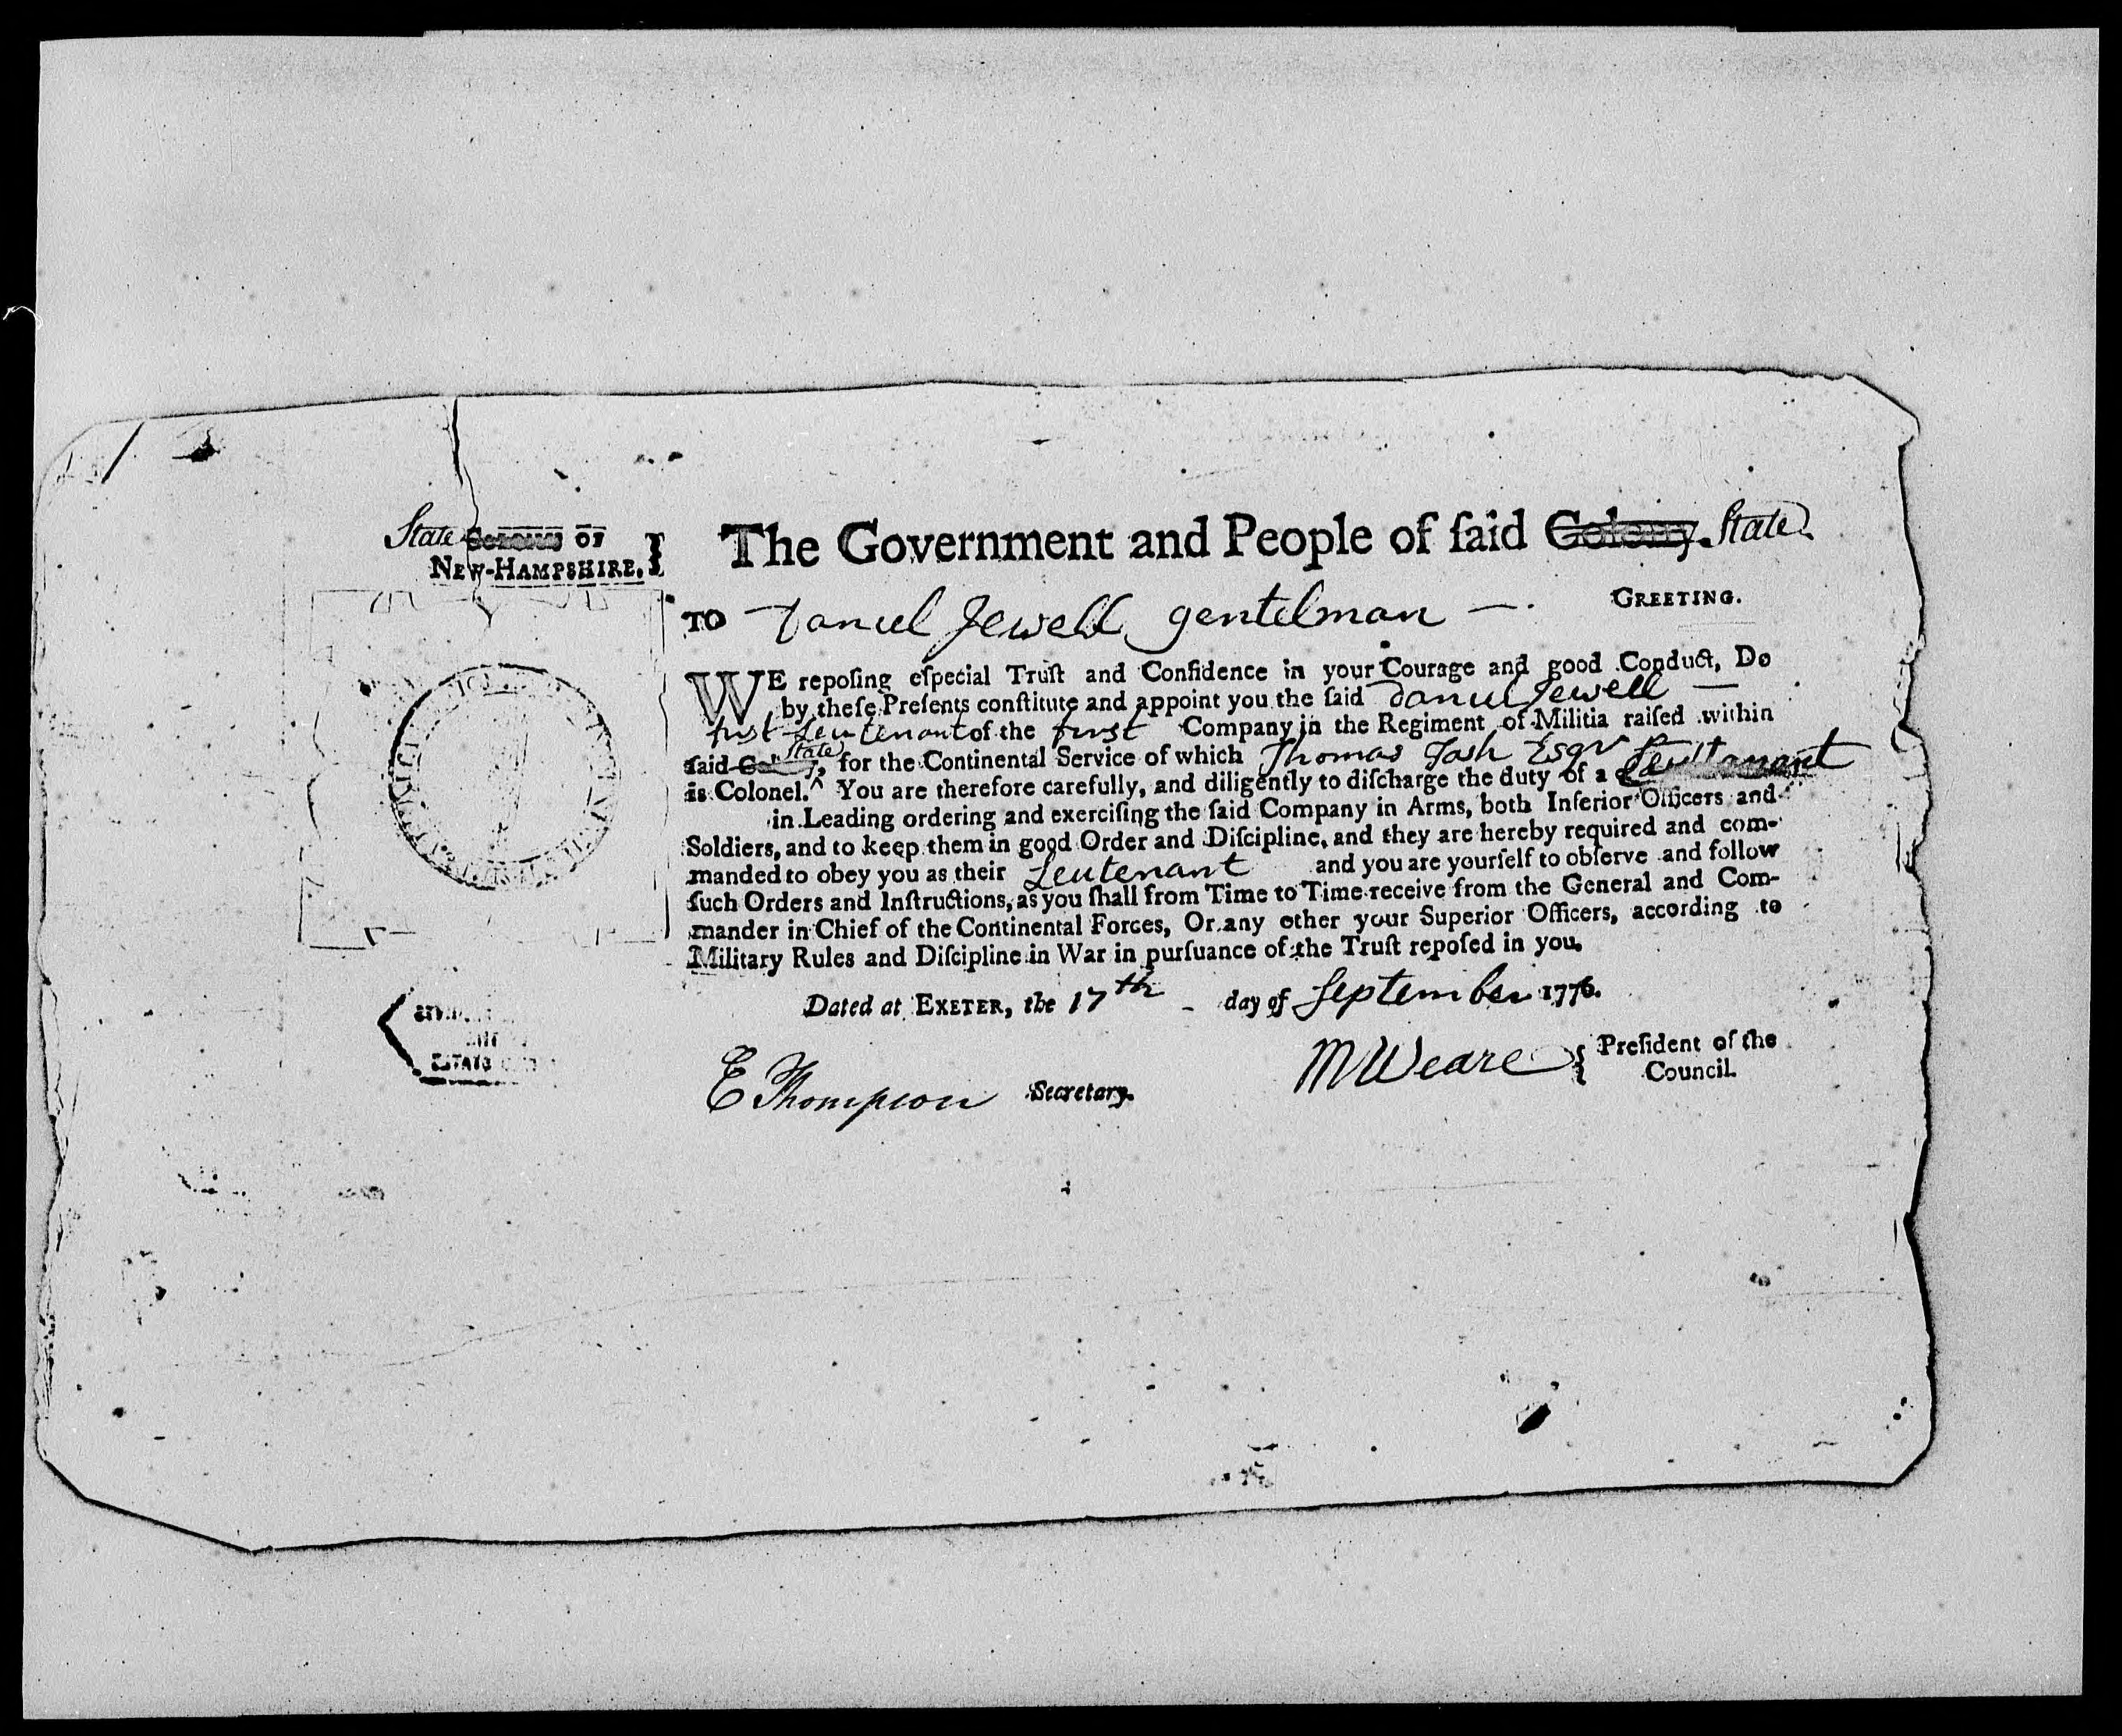State of NEW HAMPSHIRE,
The Government and people of said State
To Daniel Jewell Gentelman [GENTLEMENT]- GREETING.
WE reposing especial Trust and Confidence in your Courage and good Conduct, Do by these Presents constitute and appoint you the said Daniel Jewell --- first lieutenant of the first Company in the Regiment of Militia raised within said state for the Continental Service of which Thomas Josh Esqr is Colonel. You are therefore carefully, and diligently to discharge the duty of a Lieutenant in Leading ordering and exercising the said Company in Arms, both Inferior Officers and Soldiers, and to keep them in good order and Discipline, and they are hereby required and commanded
to obey you as their Lieutenant and you are yourself to observe and follow Such Orders and Instructions, as you shall from Time to Time receive from the General and Commander in Chief of the Continental Forces, Or any other your Superior Officers, according to Military Rules and Discipline in War in pursuance of the Trust reposed in you.
Dated at EXETER, the 17th day of September 1776.
M Weare President of the Council.
E. Thompson Secretary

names: Thomas Task; M Weare; E Thompson; Daniel Jewell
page: 35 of 35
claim: survivor's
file: S. 10912, for Daniel Jewell, New Hampshire